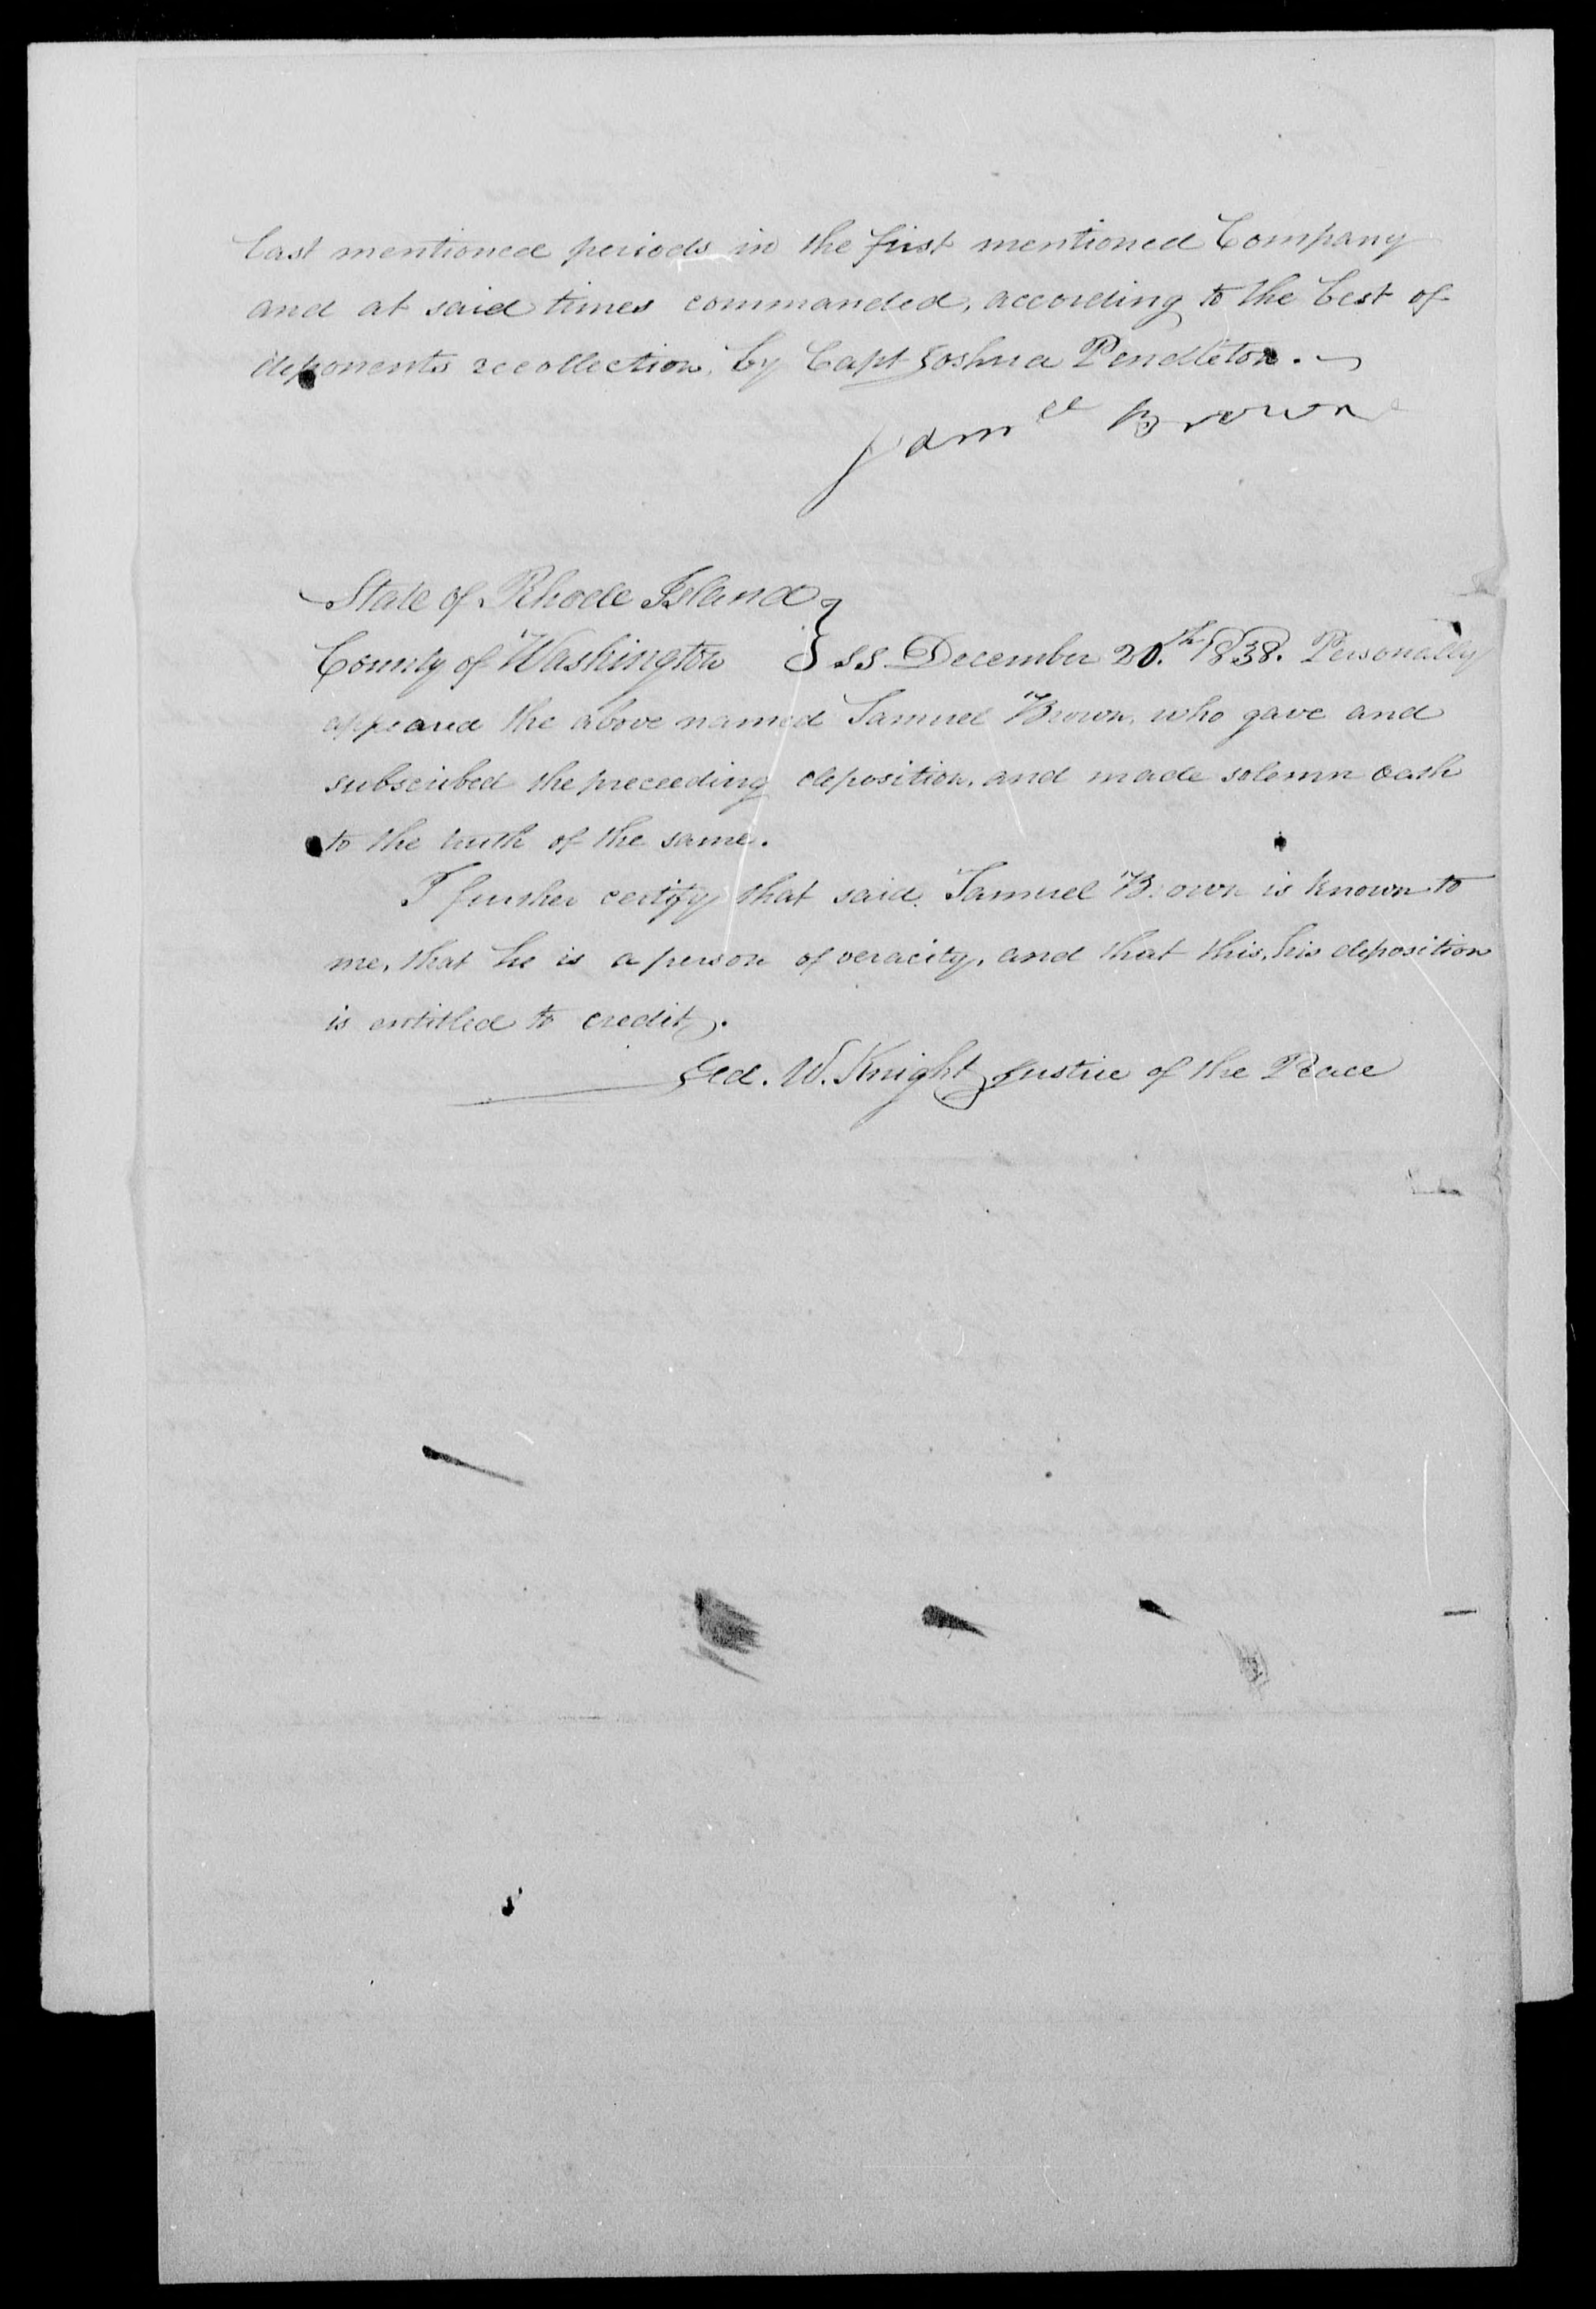last mentioned periods in the first mentioned company and at said times commanded, according to the best of deponents recollection, by Capt Joshua Pendleton.
Saml Brown

State of Rhode Island County of Washington ss
December 20th 1838.
Personally appeared the above named Samuel Brown, who gave and subscribed the preceeding deposition, and made solemn oath to the truth of the same.
I further certify that said Samuel Brown is known to me, that he is a person of veracity, and that this, his deposition is entitled to credit.
Jed W. Knight, Justice of the Peace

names: Samuel Brown, Jed W Knight, Joshua Pendleton, Samel Brown, Samuel Brown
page: 33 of 48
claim: widow's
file: W. 17,628, Arnold Clarke, R.I.